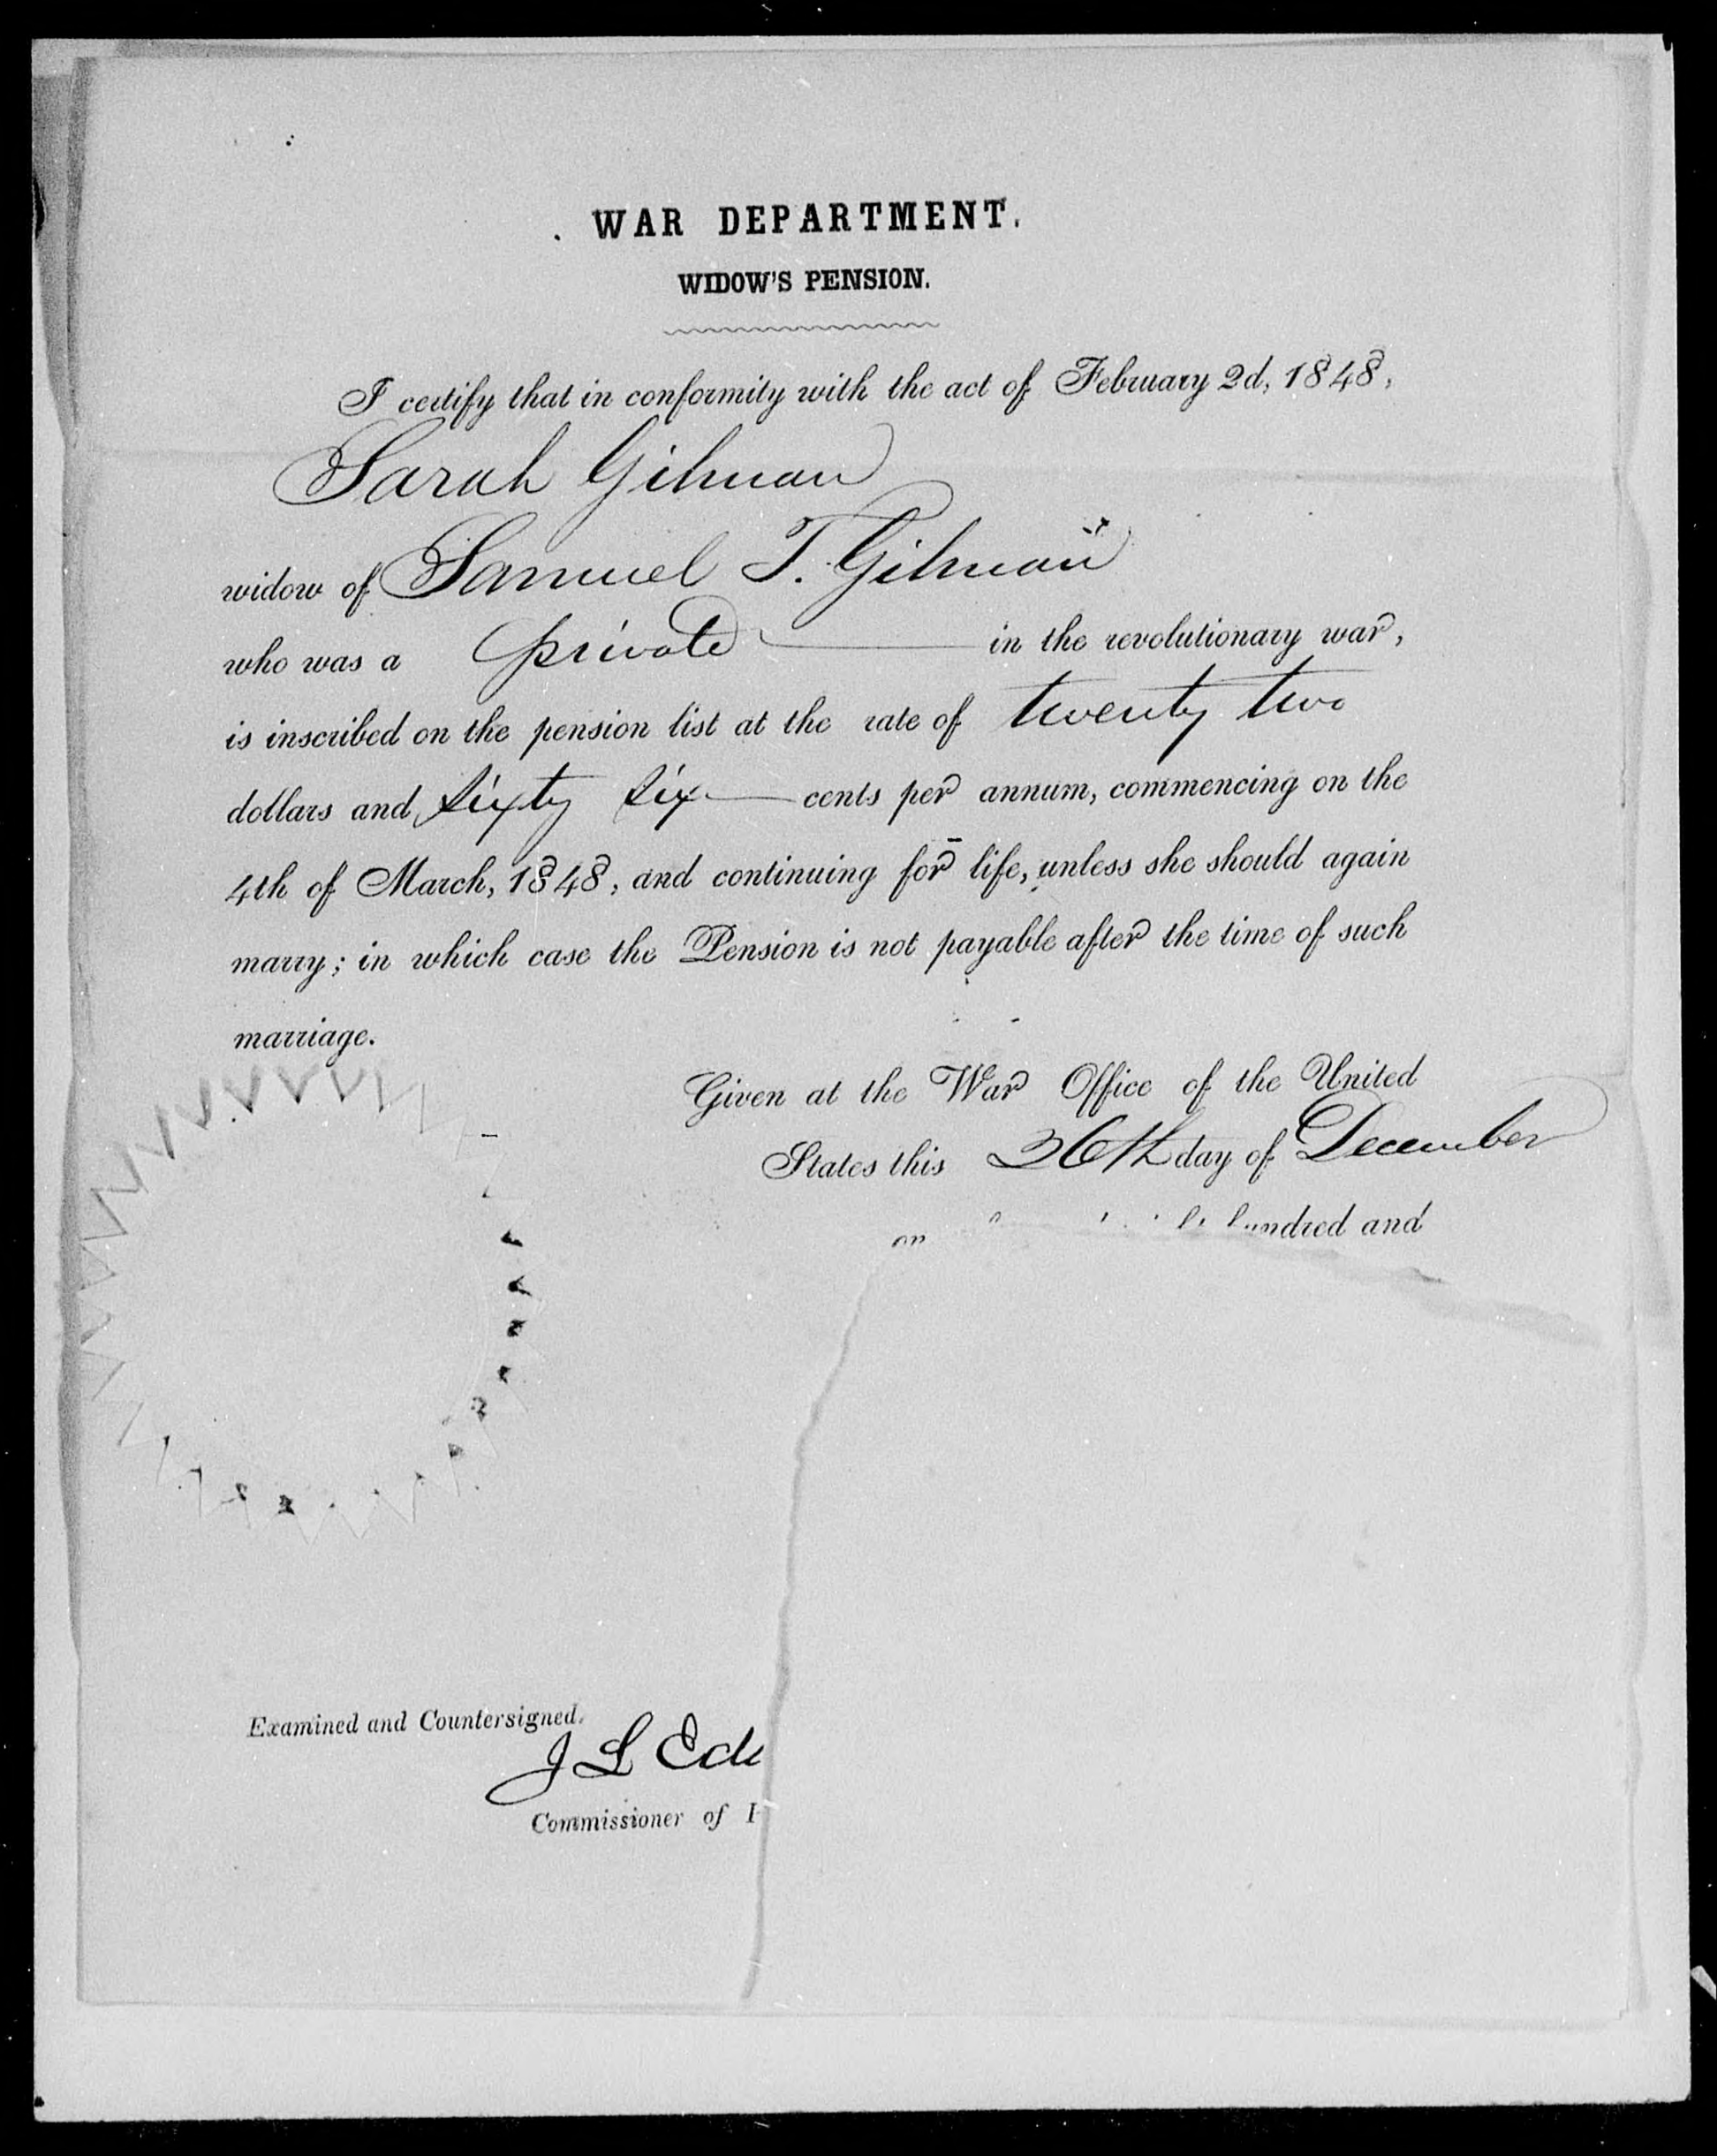WAR DEPARTMENT.
WIDOW'S PENSION.
-----
I certify that in conformity with the act of February 2d, 1848, Sarah Gilman widow of Samuel T. Gilman who was a private in t he revolutionary war, is inscribed on the pension list at the rate of twenty two dollars and sixty six cents per annum, commencing on the 4th of March, 1848, and continuing for life, unless she should again marry; in which case the Pension is not payable after the time of such marriage.

Given at the War office of the United States this 26th day of December [paper ripped away]

Examined and Countersigned.
J L Edwards
Commissioner of Pensions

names: Sarah Gilman, J L Edwards, Samuel T Gilman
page: 48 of 61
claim: widow's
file: W. 19500, Samuel Thing Gilman, Continental N.H.